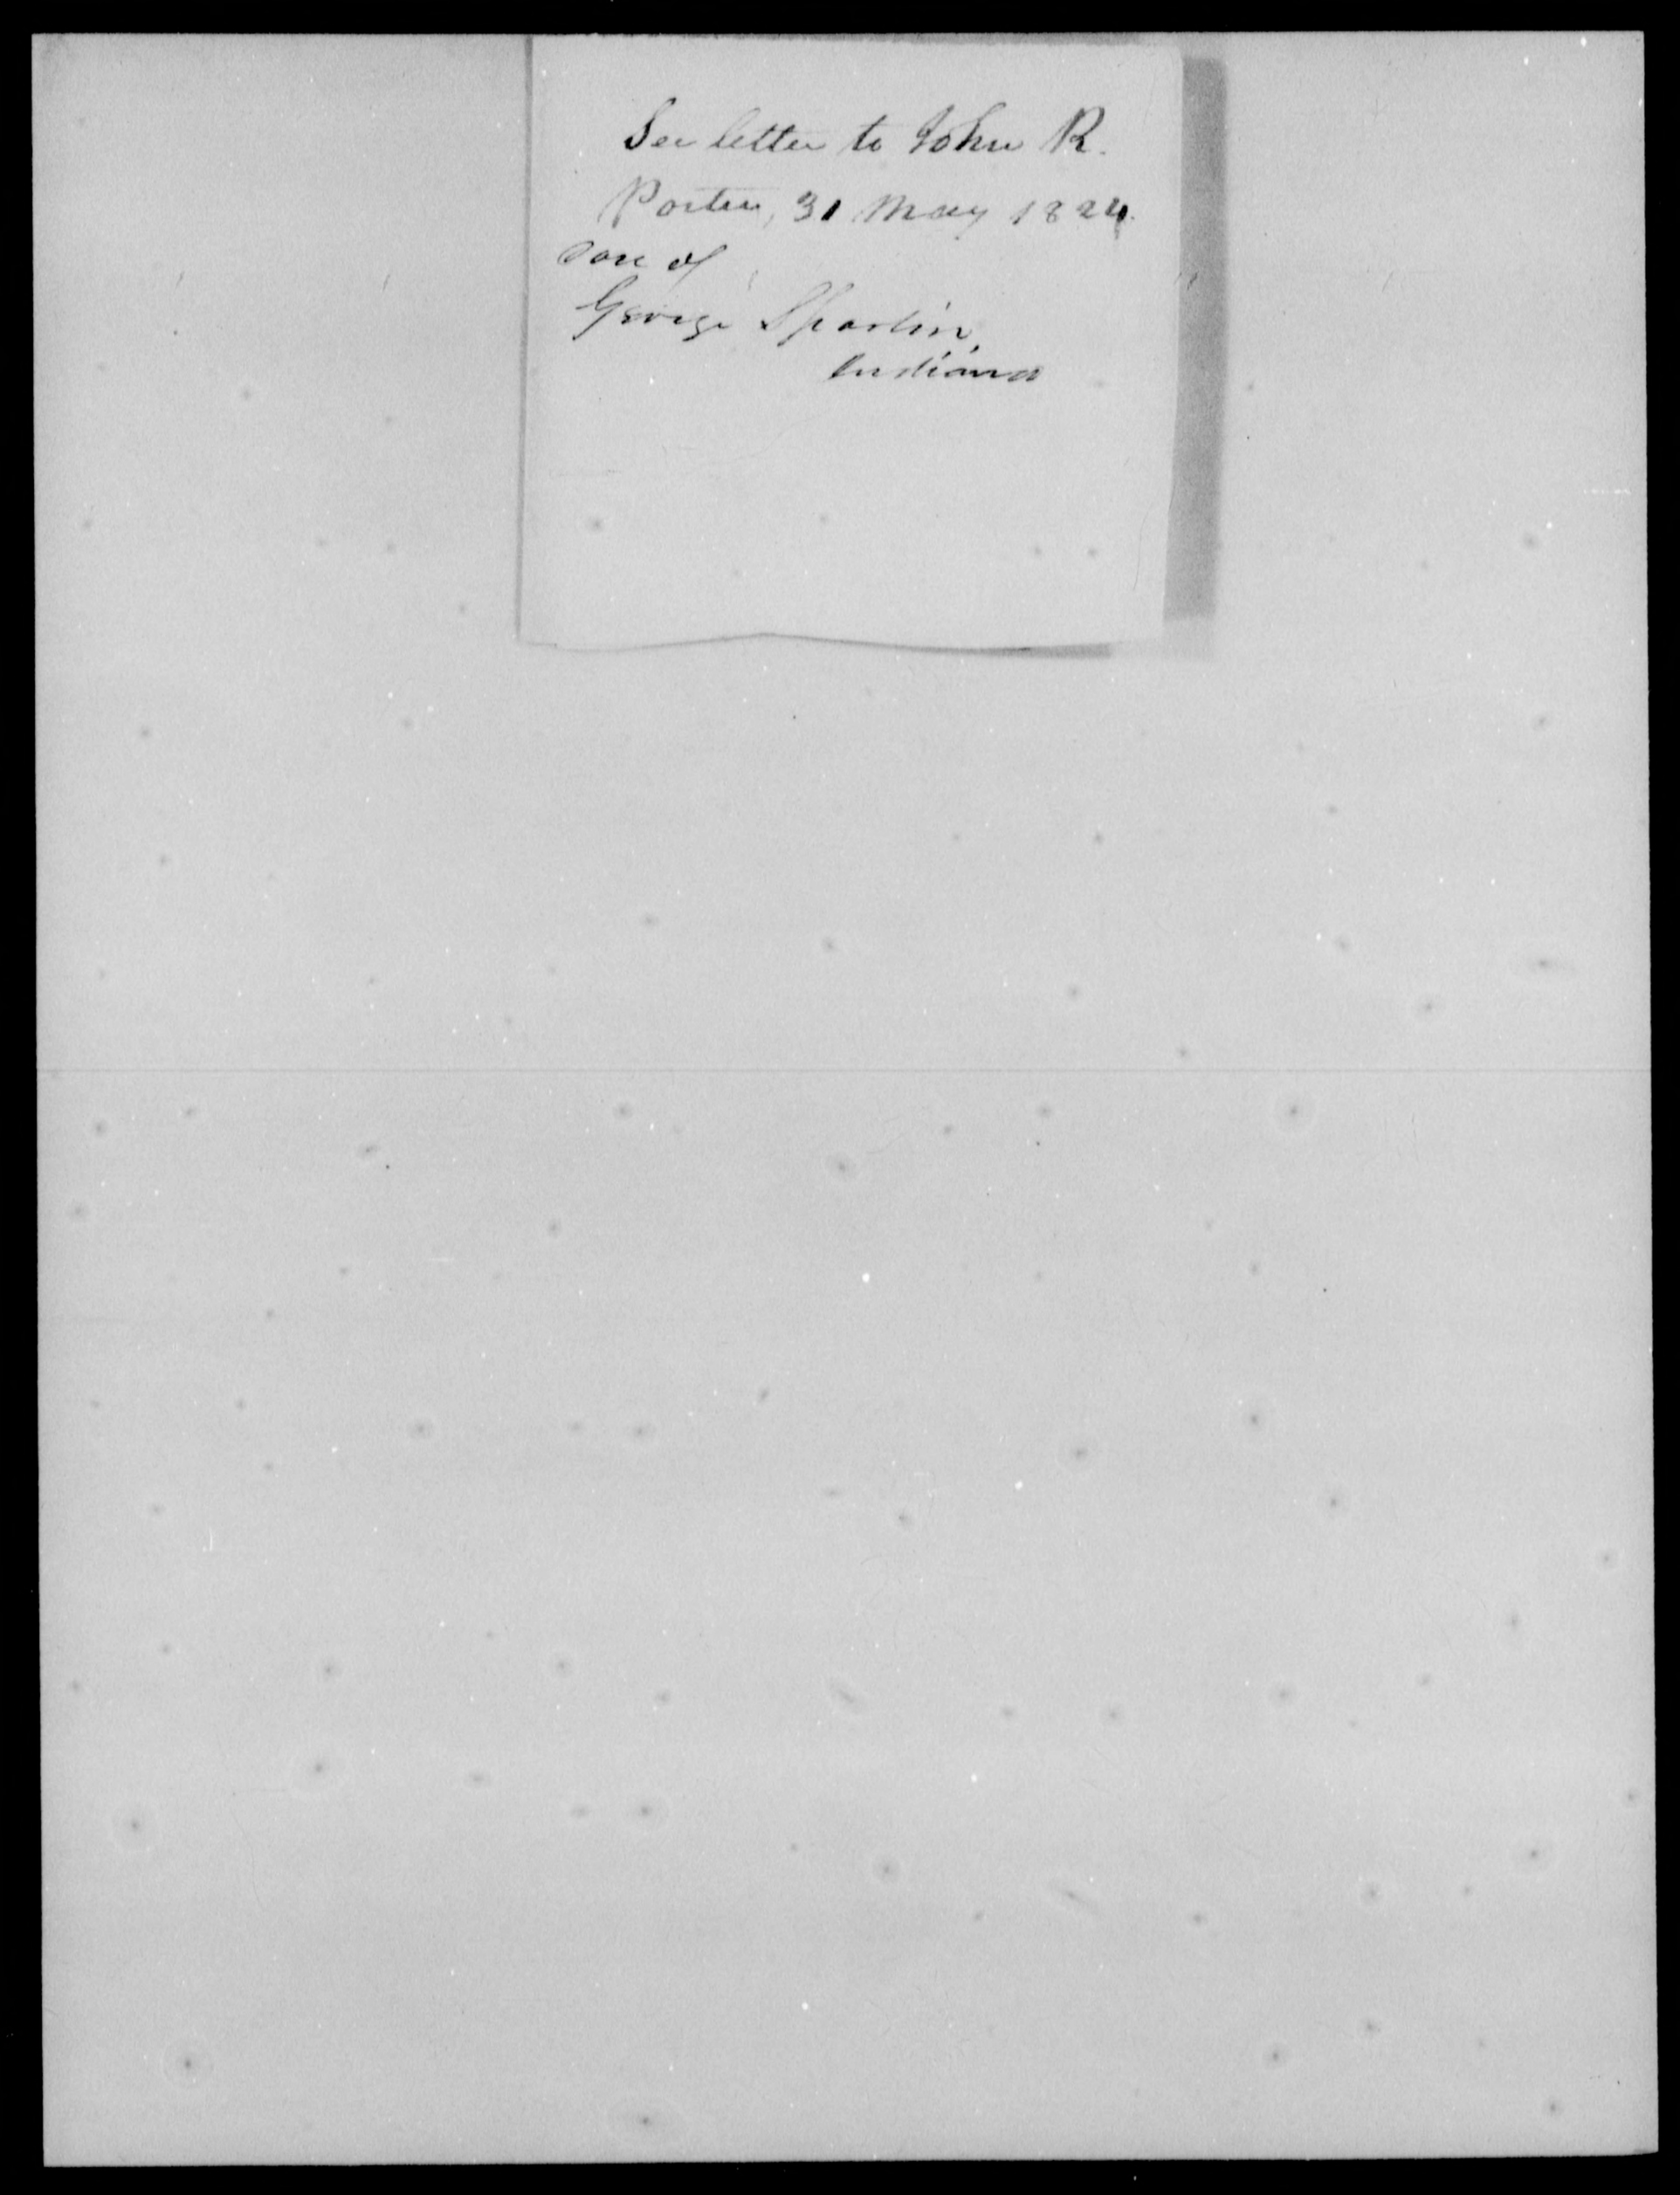See letter to John R. Porter, 31 May 1824.
son of George Sparlin
Indiana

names: George Sparlin; John R Porter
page: 13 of 20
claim: survivor's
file: S. 36,783, for George Sparling, New Jersey